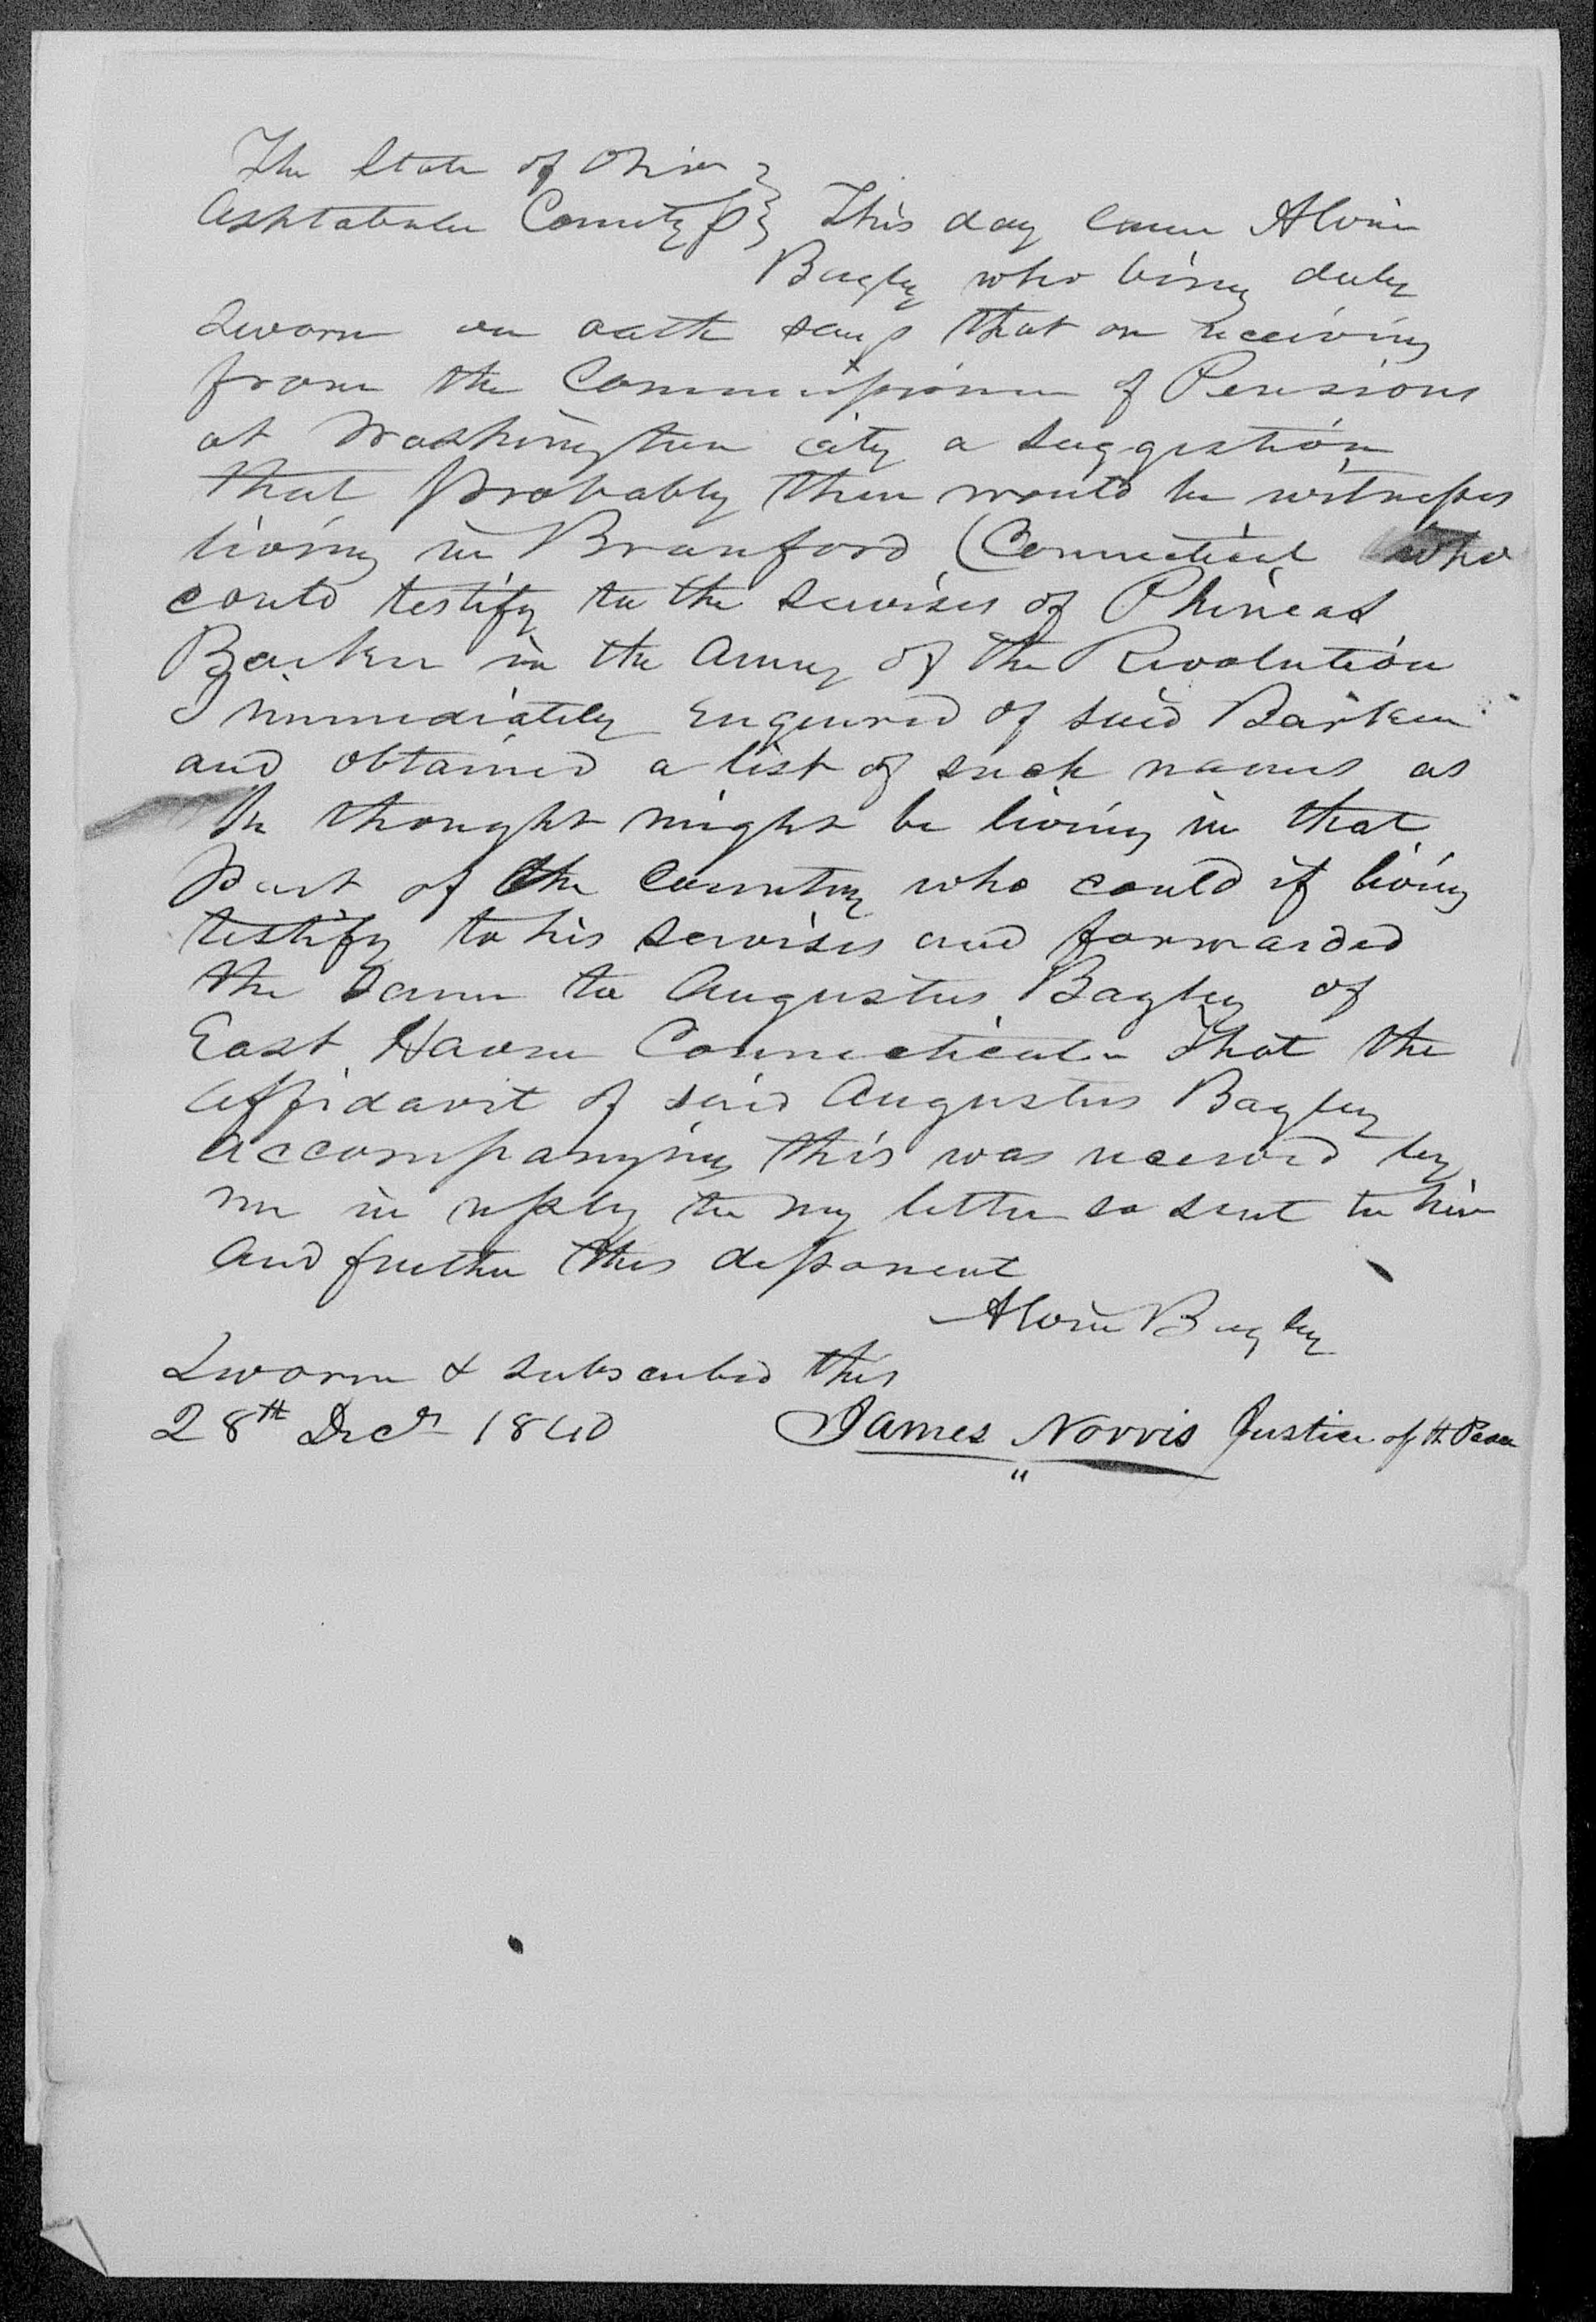The State of Ohio 
Ashtabula County ss} This day came Alvin Bagley who being duly Sworn on oath says that on receiving from the Commissioner of Pensions at Washington city a suggestion that probably then would be witnesses living in Branford Connecticut who could testify to the service of Phineas Barker in the Army of the Revolution immediately enquired of said Barker and obtained a list of such names as I thought might be living in that part of the country who could if living testify to his services and forwarded the same to Augustus Bagley of East Haven Connecticut. That the Affidavit of said Augustus Bagley accompanying this was received by me in reply to my letter so sent to him and further this deponent 
Alvin Bagley
Sworn & subscribed this  28th Decr 1840 
James Norris Justice of the Peace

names: Barker, Alvin Bagley, Alvin Bagley, Augustus Bagley, Phineas Barker, James Norris, Augustus Bagley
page: 23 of 35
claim: rejected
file: R. 501, Phineas Barker, Conn. Privateer